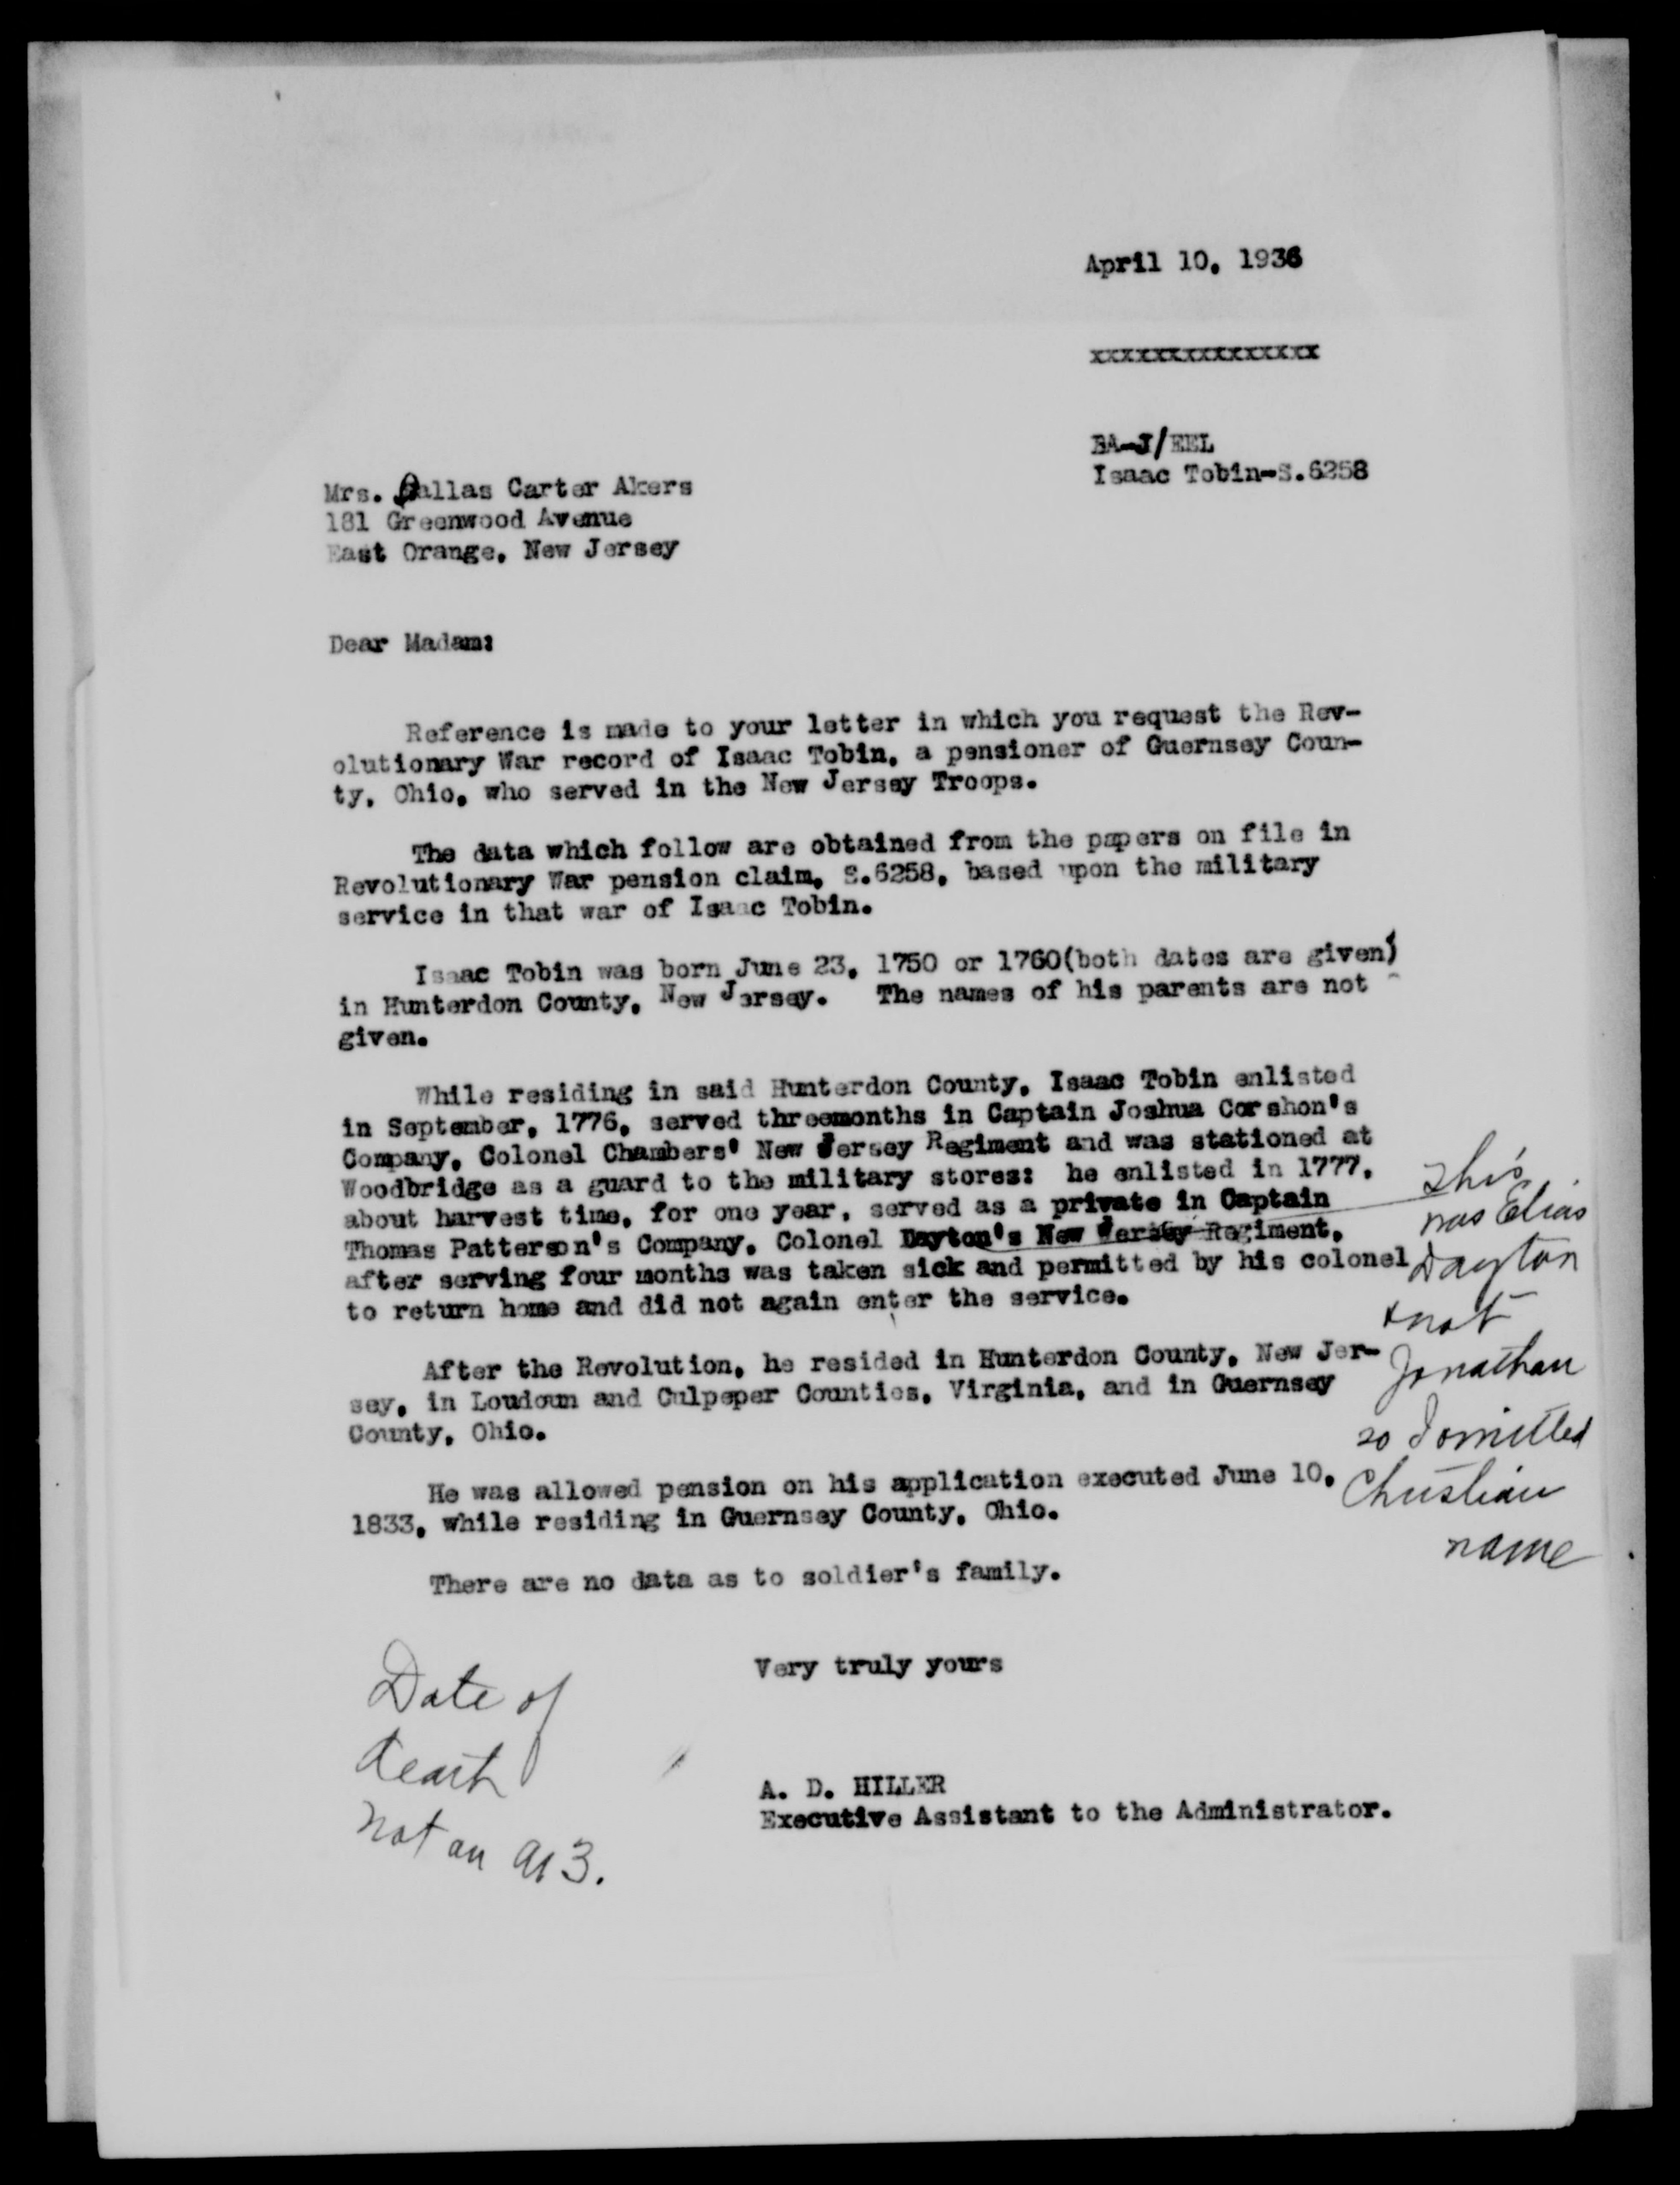April 10, 1936
XXXXXXXXXXXXXXX
BA-J/EEL
Isaac Tobin-S.6258
Mrs. Dallas Carter Akers
181 Greenwood Avenue
East Orange, New Jersey
Dear Madam:
Reference is made to your letter in which you request the Revolutionary War record of Isaac Tobin, a pensioner of Guernsey County, Ohio, who served in the New Jersey Troops.
The data which follow are obtained from the papers on file in Revolutionary War pension claim, S.6258, based upon the military service in that war of Isaac Tobin.
Isaac Tobin was born June 23, 1750 or 1760 (both dates are given) in Hunterdon County, New Jersey. The names of his parents are not given.
While residing in said Hunterdon County, Isaac Tobin enlisted in September, 1776, served three months in Captain Joshua Corshon's Company, Colonel Chambers' New Jersey Regiment and was stationed at Woodbridge as a guard to the military stores: he enlisted in 1777, about harvest time, for one year, served as a private in Captain Thomas Patterson's Company, Colonel Dayton's New Jersey Regiment, after serving four months was taken sick and permitted by his colonel to return home and did not again enter the service. 
-  This was Elias Dayton & not Jonathan so I omitted Christian name
After the Revolution, he resided in Hunterdon County, New Jersey, in Loudoun and Culpeper counties, Virginia, and in Guernsey County, Ohio.
He was allowed pension on his application executed June 10, 1833, while residing in Guernsey County, Ohio.
There are no data as to soldier's family.
Date of death no an [illegible] 3
Very truly yours
A.D. Hiller
Executive Assistant to the Administrator.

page: 11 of 25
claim: survivor's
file: S. 6258, for Isaac Tobin, New Jersey